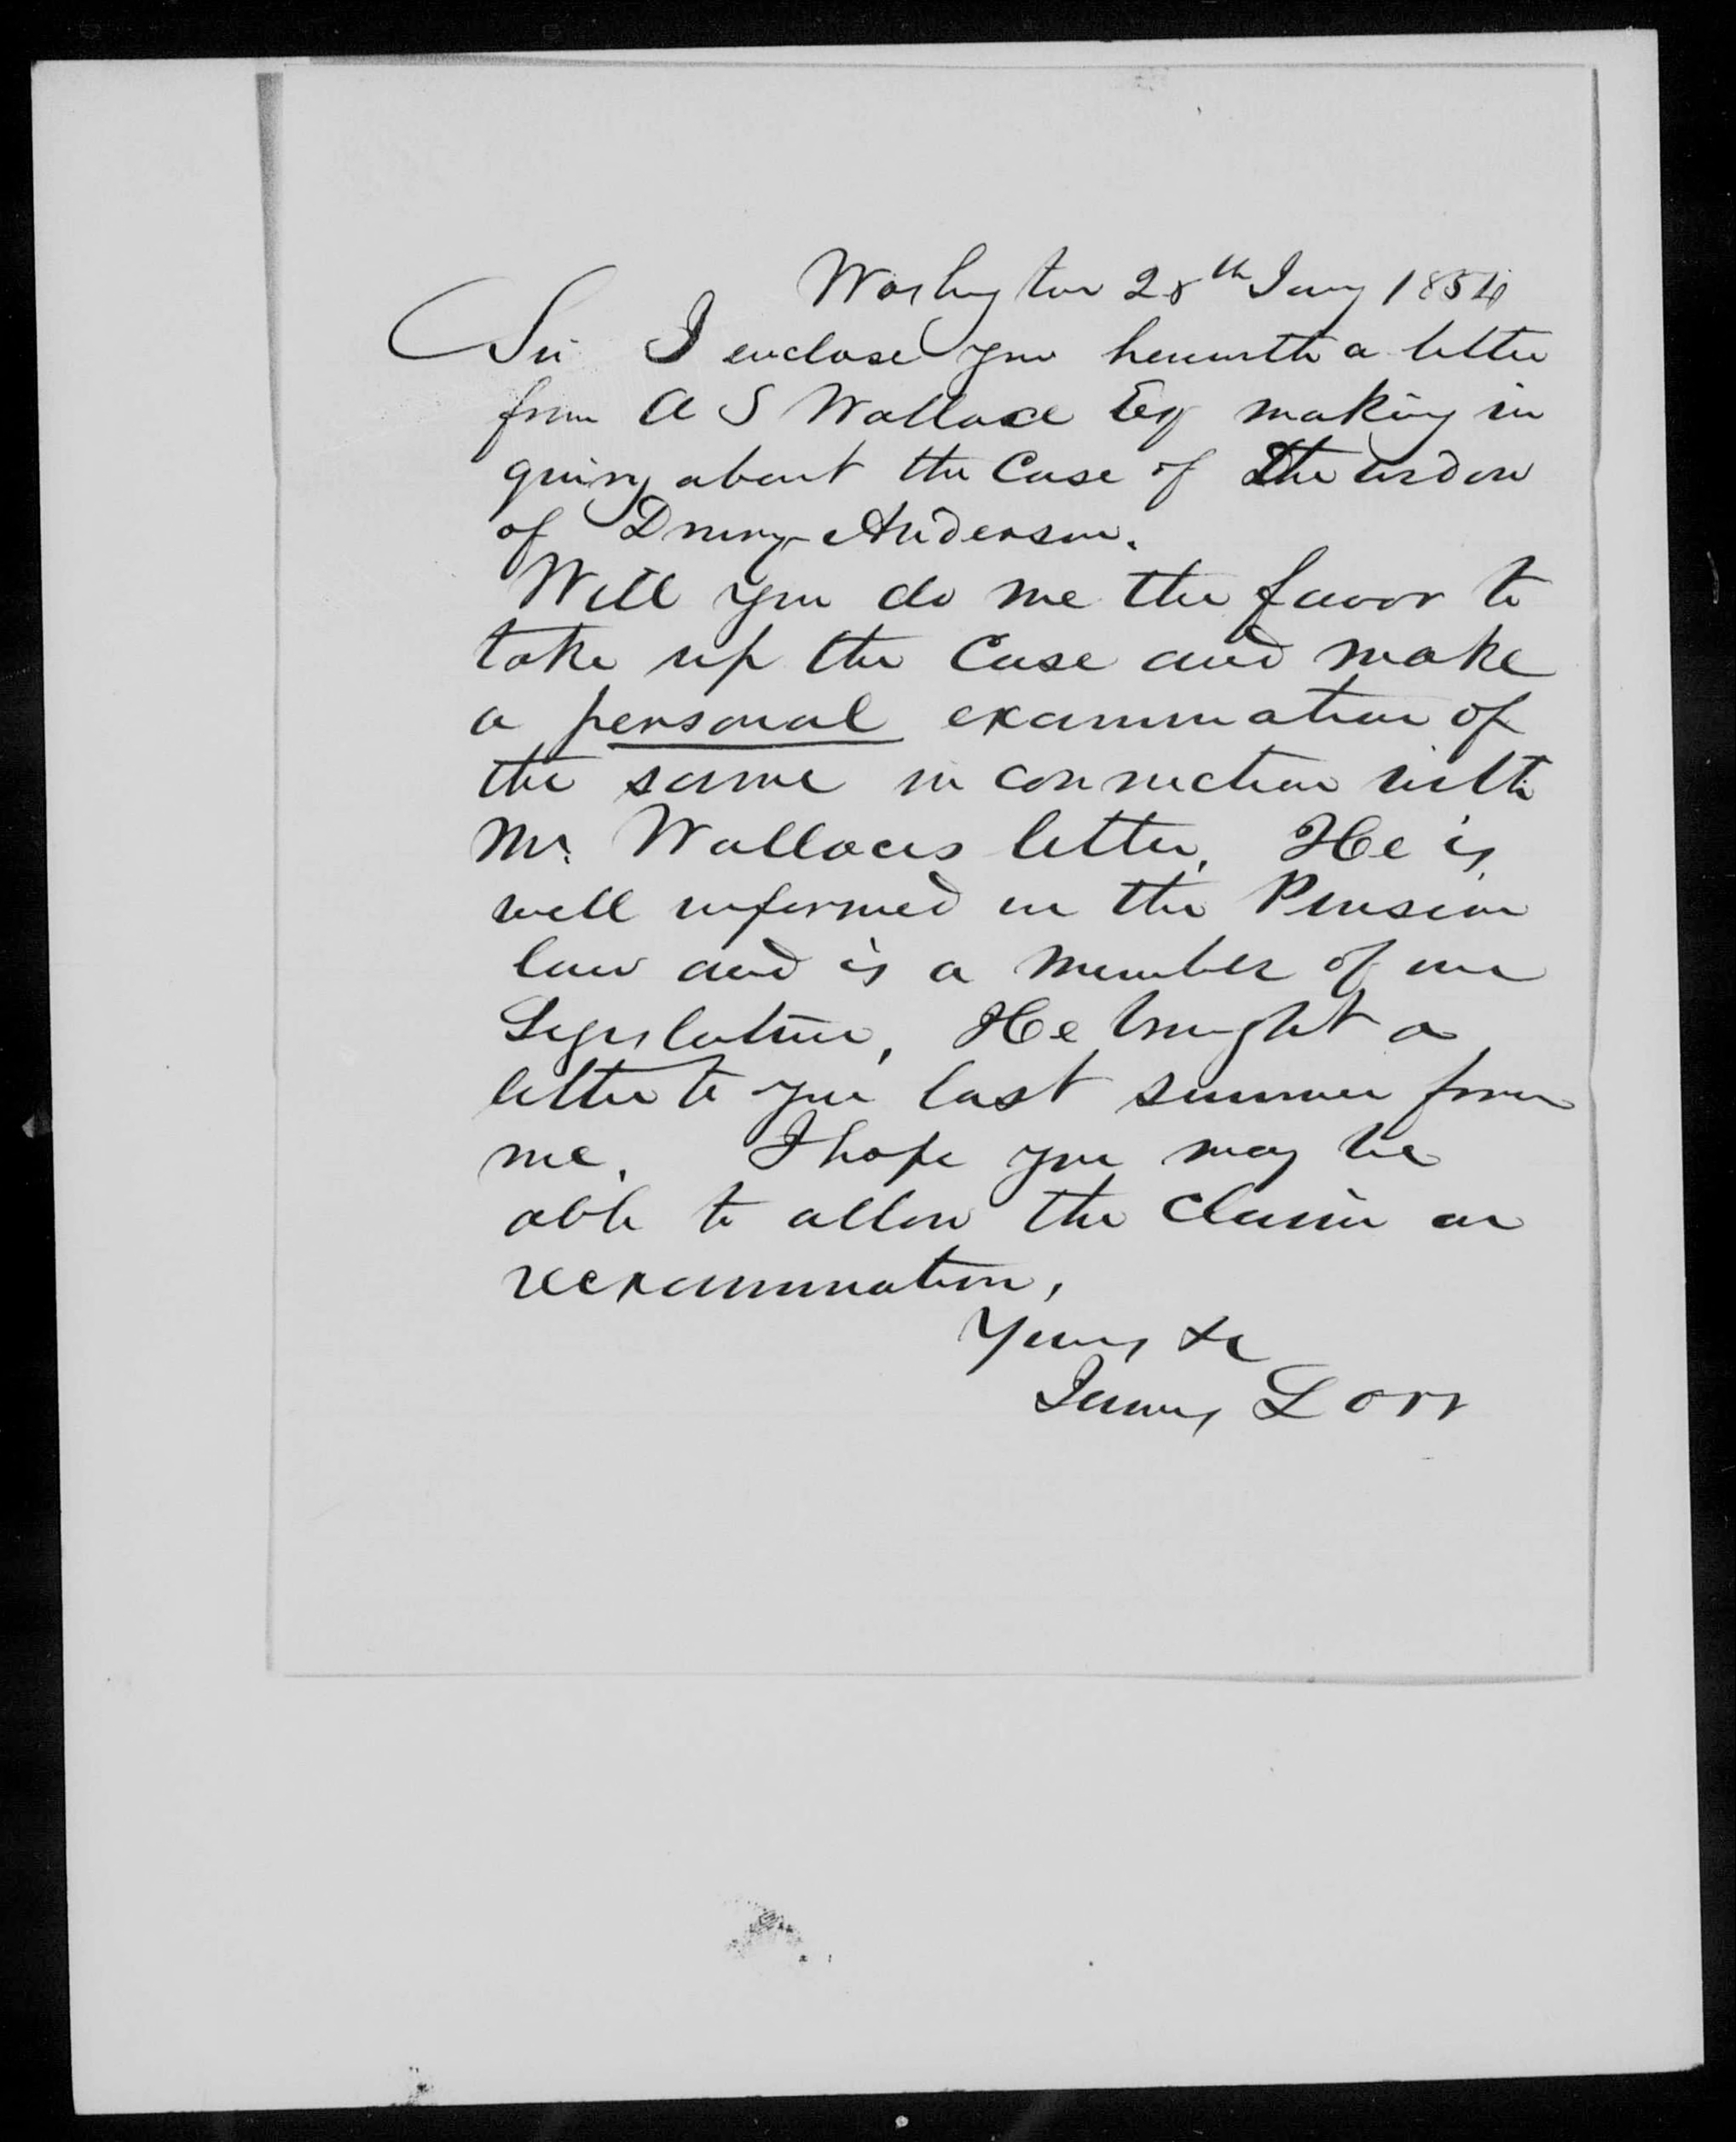Washington 28th Jany 1854
Sir I enclose you herewith a letter from A S Wallace Esq making in giving about the case of the widow of Denny Anderson.
Will you do me the favor to take up the case and make a personal examination of the same in connection with Mr. Wallaces letter. He is well informed in the Pension law and is a member of our legislature. He brought a letter to you last summer from me. I hope you may be able to allow the claim on examination,
Yours &c
James L Orr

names: A S Wallace, James L Orr, Denny Anderson, Wallace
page: 51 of 51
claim: widow's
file: W. 9700, Denney Anderson, S.C.